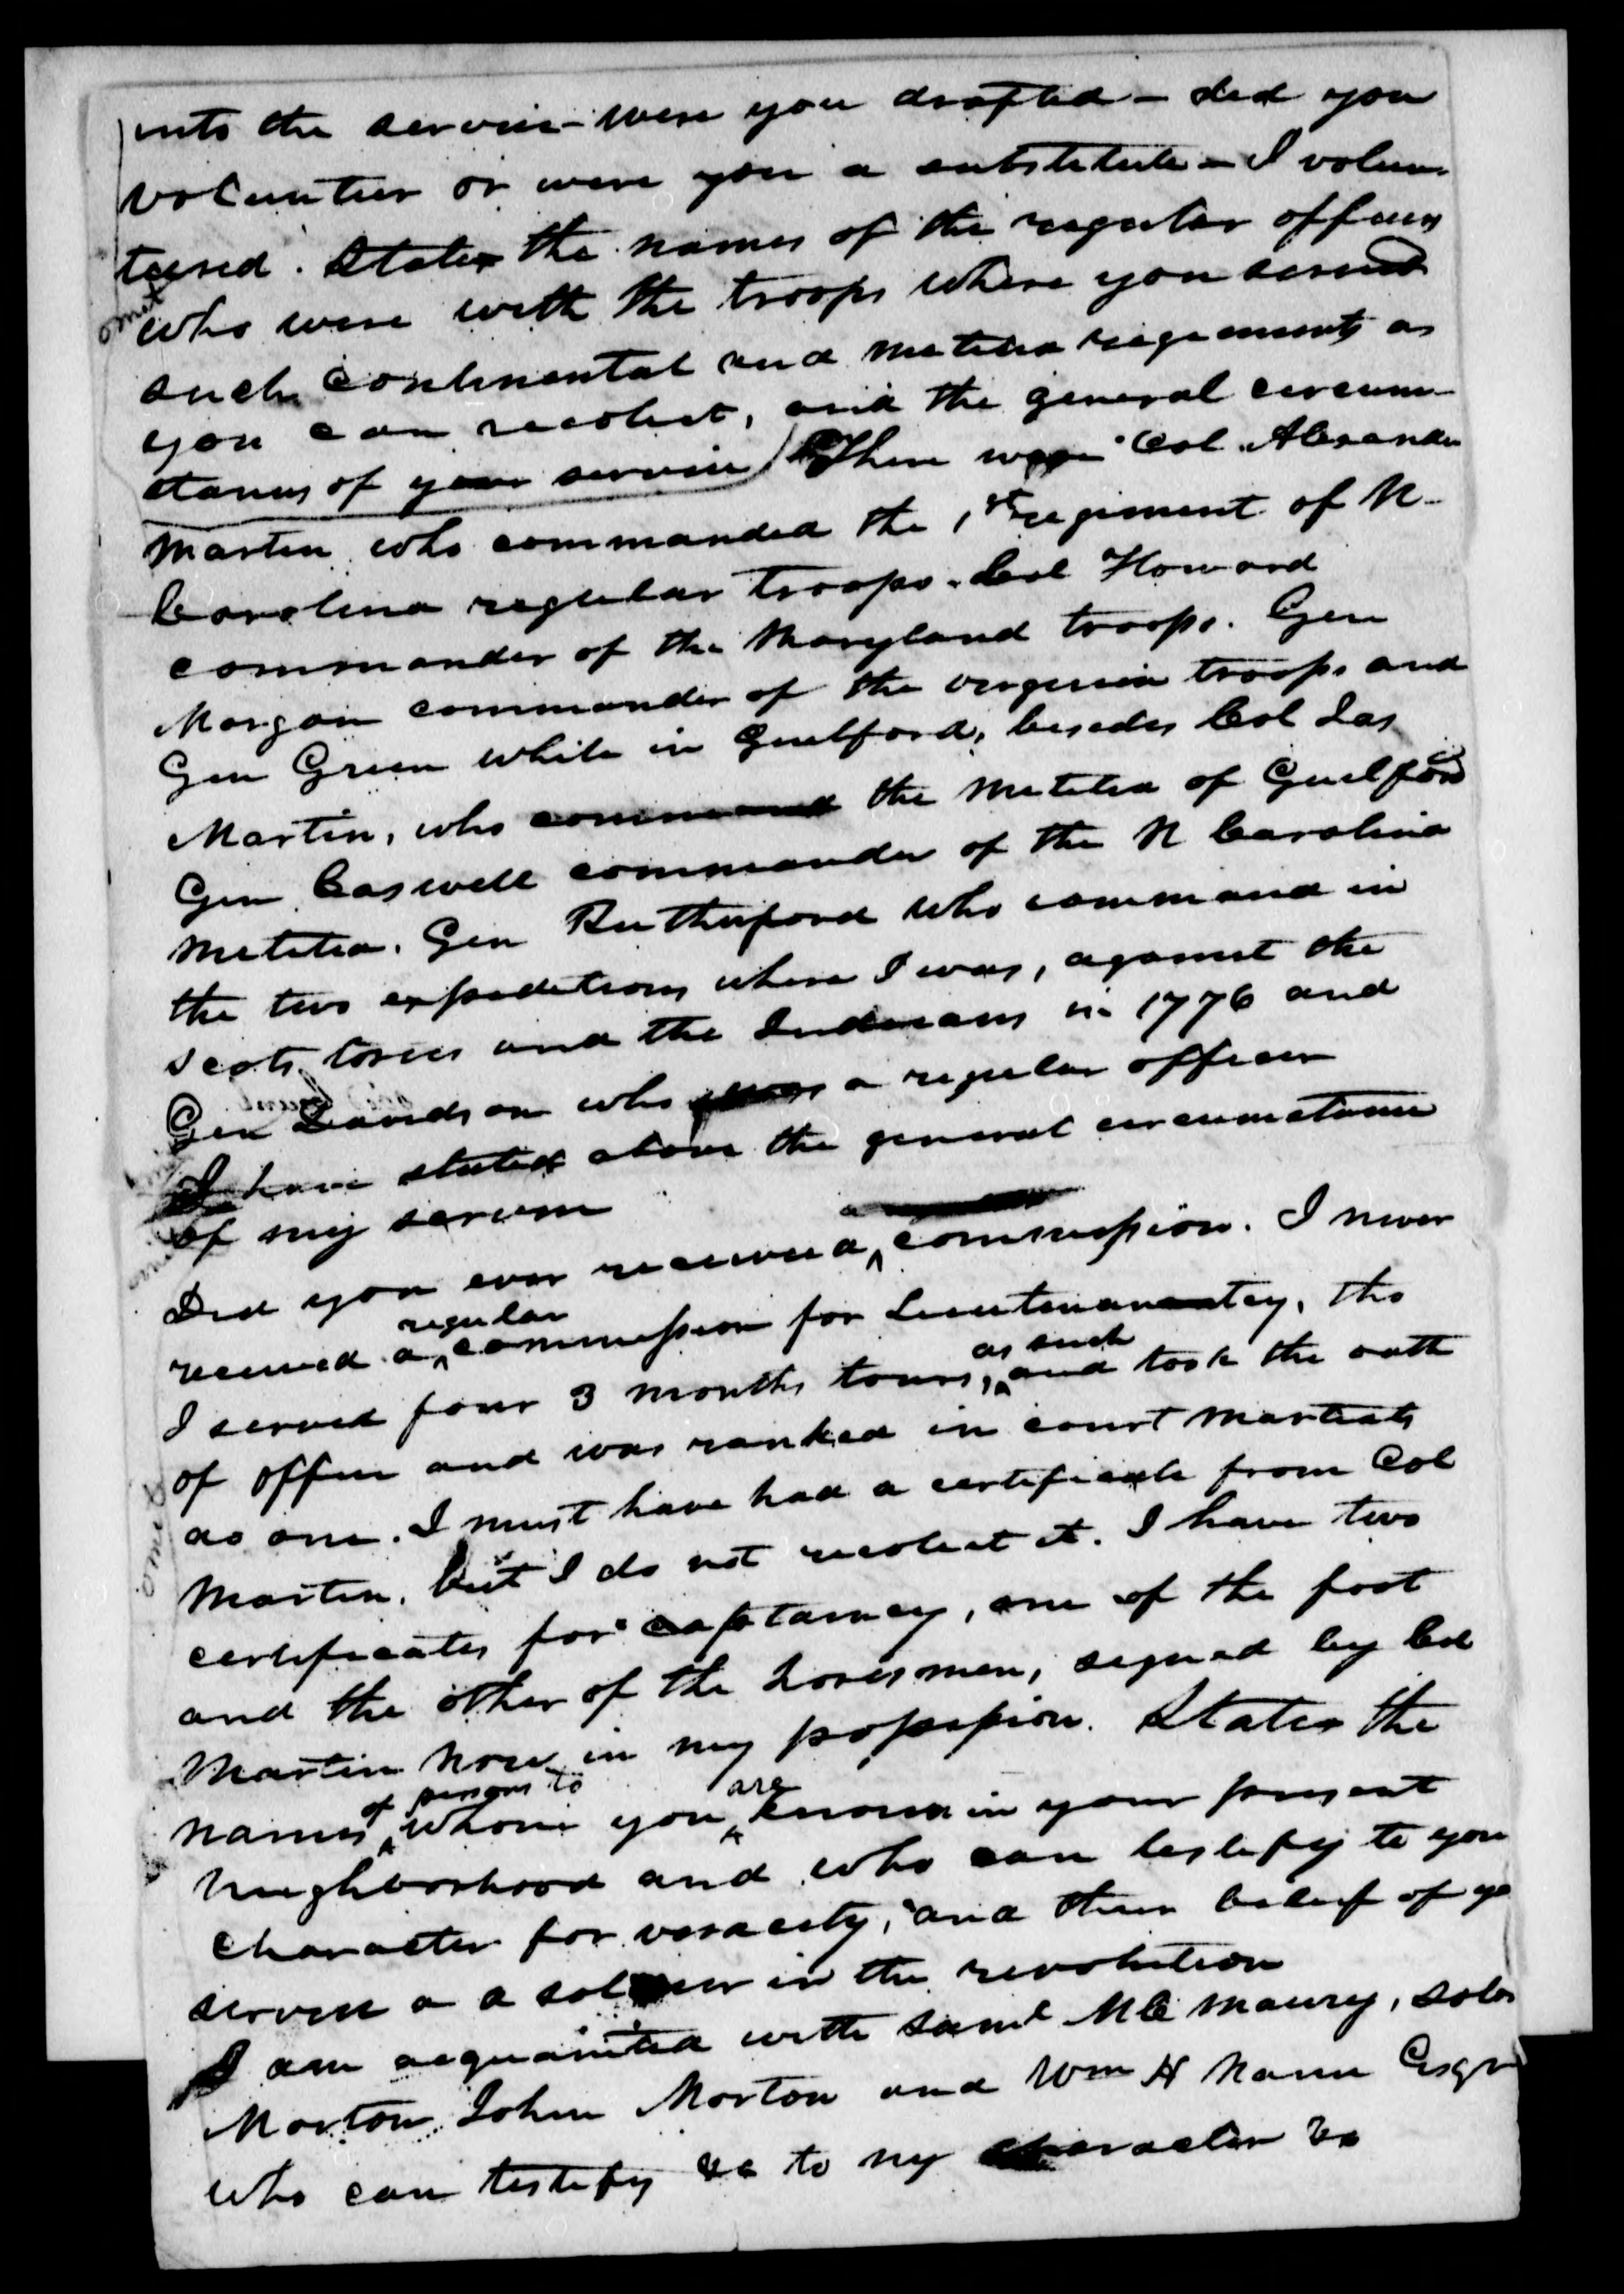into the service - were you drafted - did you volunteer or were you a substitute - I volunteered.  
State the names of the regular officers who were with the troops where you served such continental and militia regiments as you can recollect, and the general circumstances of your service.  There was Col. Alexander Martin who commanded the 1st Regiment of N Carolina regular troops, Col. Howard commander of the Maryland troops, Gen. Morgan commander of the Virginia troops, and Gen. Green while in Guilford, besides Col. Jas Martin, who commanded the militia of Guilford, Gen. Caswell commander of the N Carolina Militia, Gen. Rutherford who commended in the two expeditions where I was, against the Scots Tories and the Indians in 1776 and Gen. Davidson who was a regular officer. I have stated above the general circumstances of my service. 
Did you ever receive a commission. I never received a regular commission for Lieutenancy, tho [sic] I served four [sic] 3-months tours as such and took the oath of office and was ranked in court martials as one. I must have had a certificate from Col. Martin, but I do not recollect it. I have two certificates for captaincy, one of the foot and the other of the horsemen, signed by Col. Martin, now in my possession.  
State the names of persons to whom you are known in your present neighborhood and who can testify to your character for veracity, and their belief of your service as a soldier in the revolution. I am acquainted with Saml McMaury, Solomon Morton, John Morton and William H. Mann, Esquires who can testify to my character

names: Martin, Alexander Martin, Saml Mc Maury, John Morton, Green, Davidson, Caswell, Martin, Howard, Jas Martin, Rutherford, Wm H Nance, Morgan, Job Morton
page: 12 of 105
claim: survivor's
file: S. 1883, Richard Vernon, N.C.